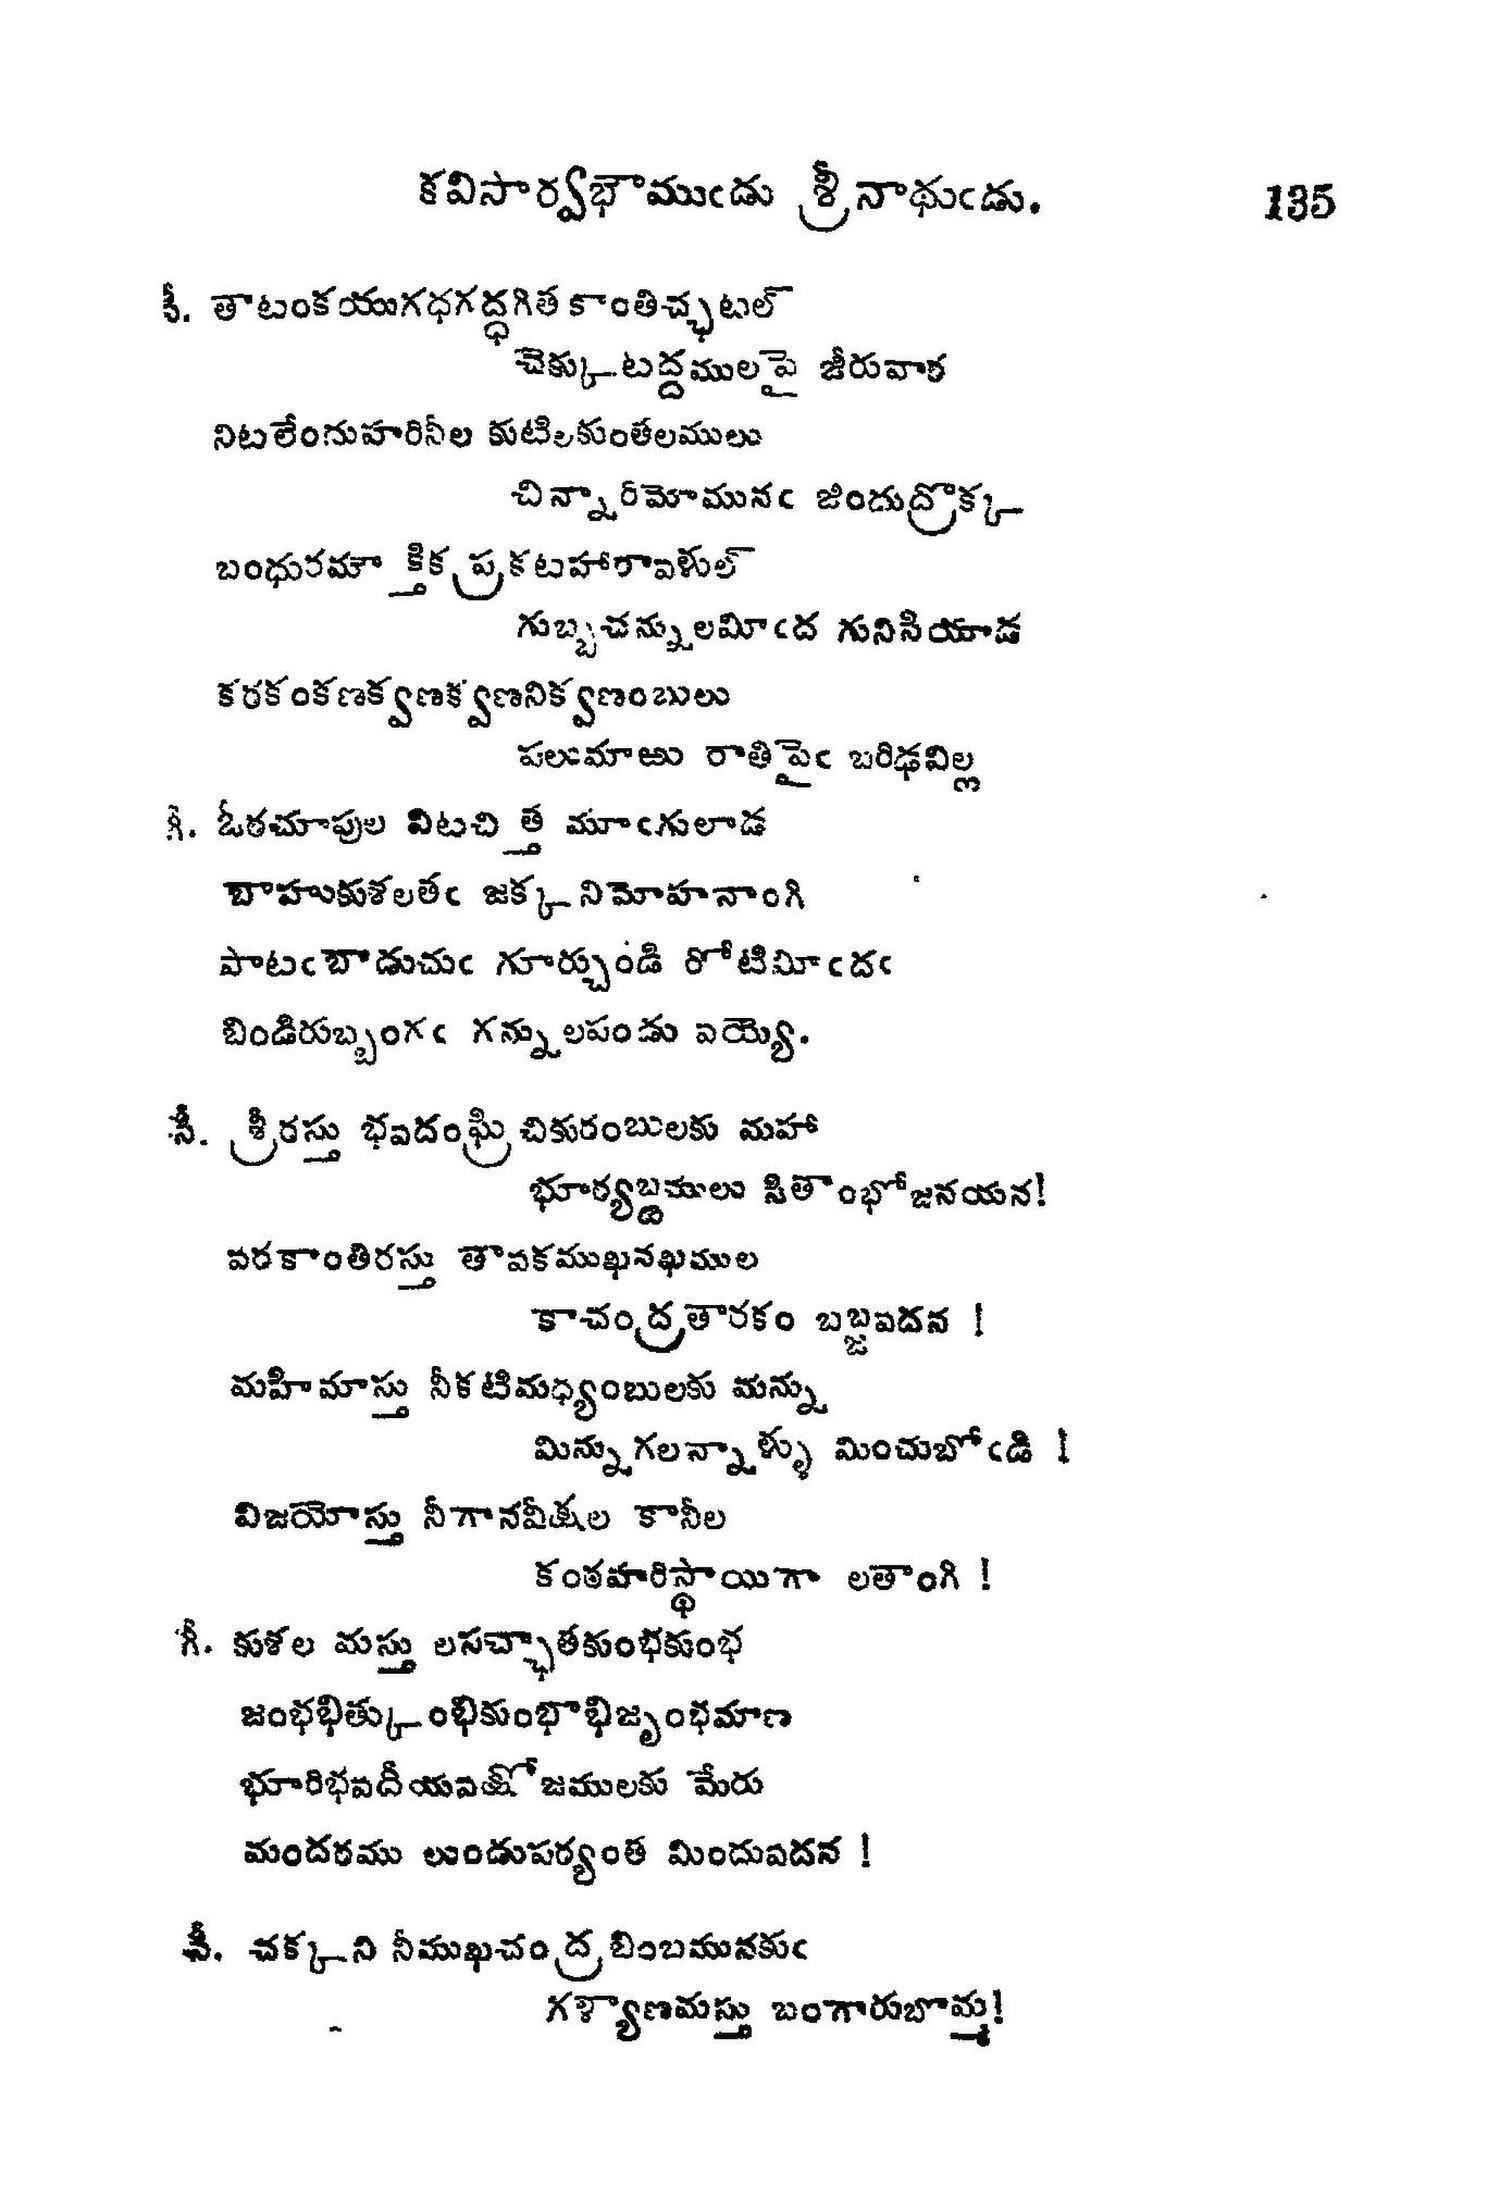సీ. తాటంకయుగధగద్ధగితకాంతిచ్ఛటల్
 చెక్కుటద్దములపై జీరువార
 నిటలేందుహరినీలకుటిలకుంతలములు
 చిన్నారిమోముపైఁ జిందులాడ
 బంధురమౌక్తికప్రకటహారావళుల్
 గుబ్బచన్నులమీఁద గునిసియాడ
 కరకంకణక్వణక్వణనిక్వణంబులు
 పలుమాఱు రాతిపైఁ బరిఢవిల్ల
తే. ఓరచూపుల విటచిత్త మూఁగులాడ
 బాహుకుశలతఁ జక్కనిమోహనాంగి
 పాటఁబాడుచుఁ గూర్చుండి రోటిమీఁదఁ
 బిండి రుబ్బంగఁ గన్నులపండు వయ్యె.
సీ. శ్రీరస్తు భవదంఘ్రిచికురంబులకు మహా
 భూర్యబ్దములు సితాంభోజనయన!
 వరకాంతిరస్తు తావకముఖనఖముల
 కాచంద్రతారకం బబ్జవదన!
 మహిమాస్తు నీకటిమధ్యంబులకు మన్ను
 మిన్నుగలన్నాళ్ళు మించుబోఁడి!
 విజయోస్తు నీగానవీక్షల కానీల
 కంఠహరిస్థాయిగా లతాంగి!
తే. కుశలమస్తు లసచ్ఛాతకుంభకుంభ
 జంభభిత్కుంభికుంభాభిజృంభమాణ
 భూరిభవదీయవక్షోజములకు మేరు
 మందరము లుండుపర్యంత మిందువదన!
సీ. చక్కని నీముఖచంద్రబింబమునకుఁ
 గళ్యాణ మస్తు బంగారుబొమ్మ!